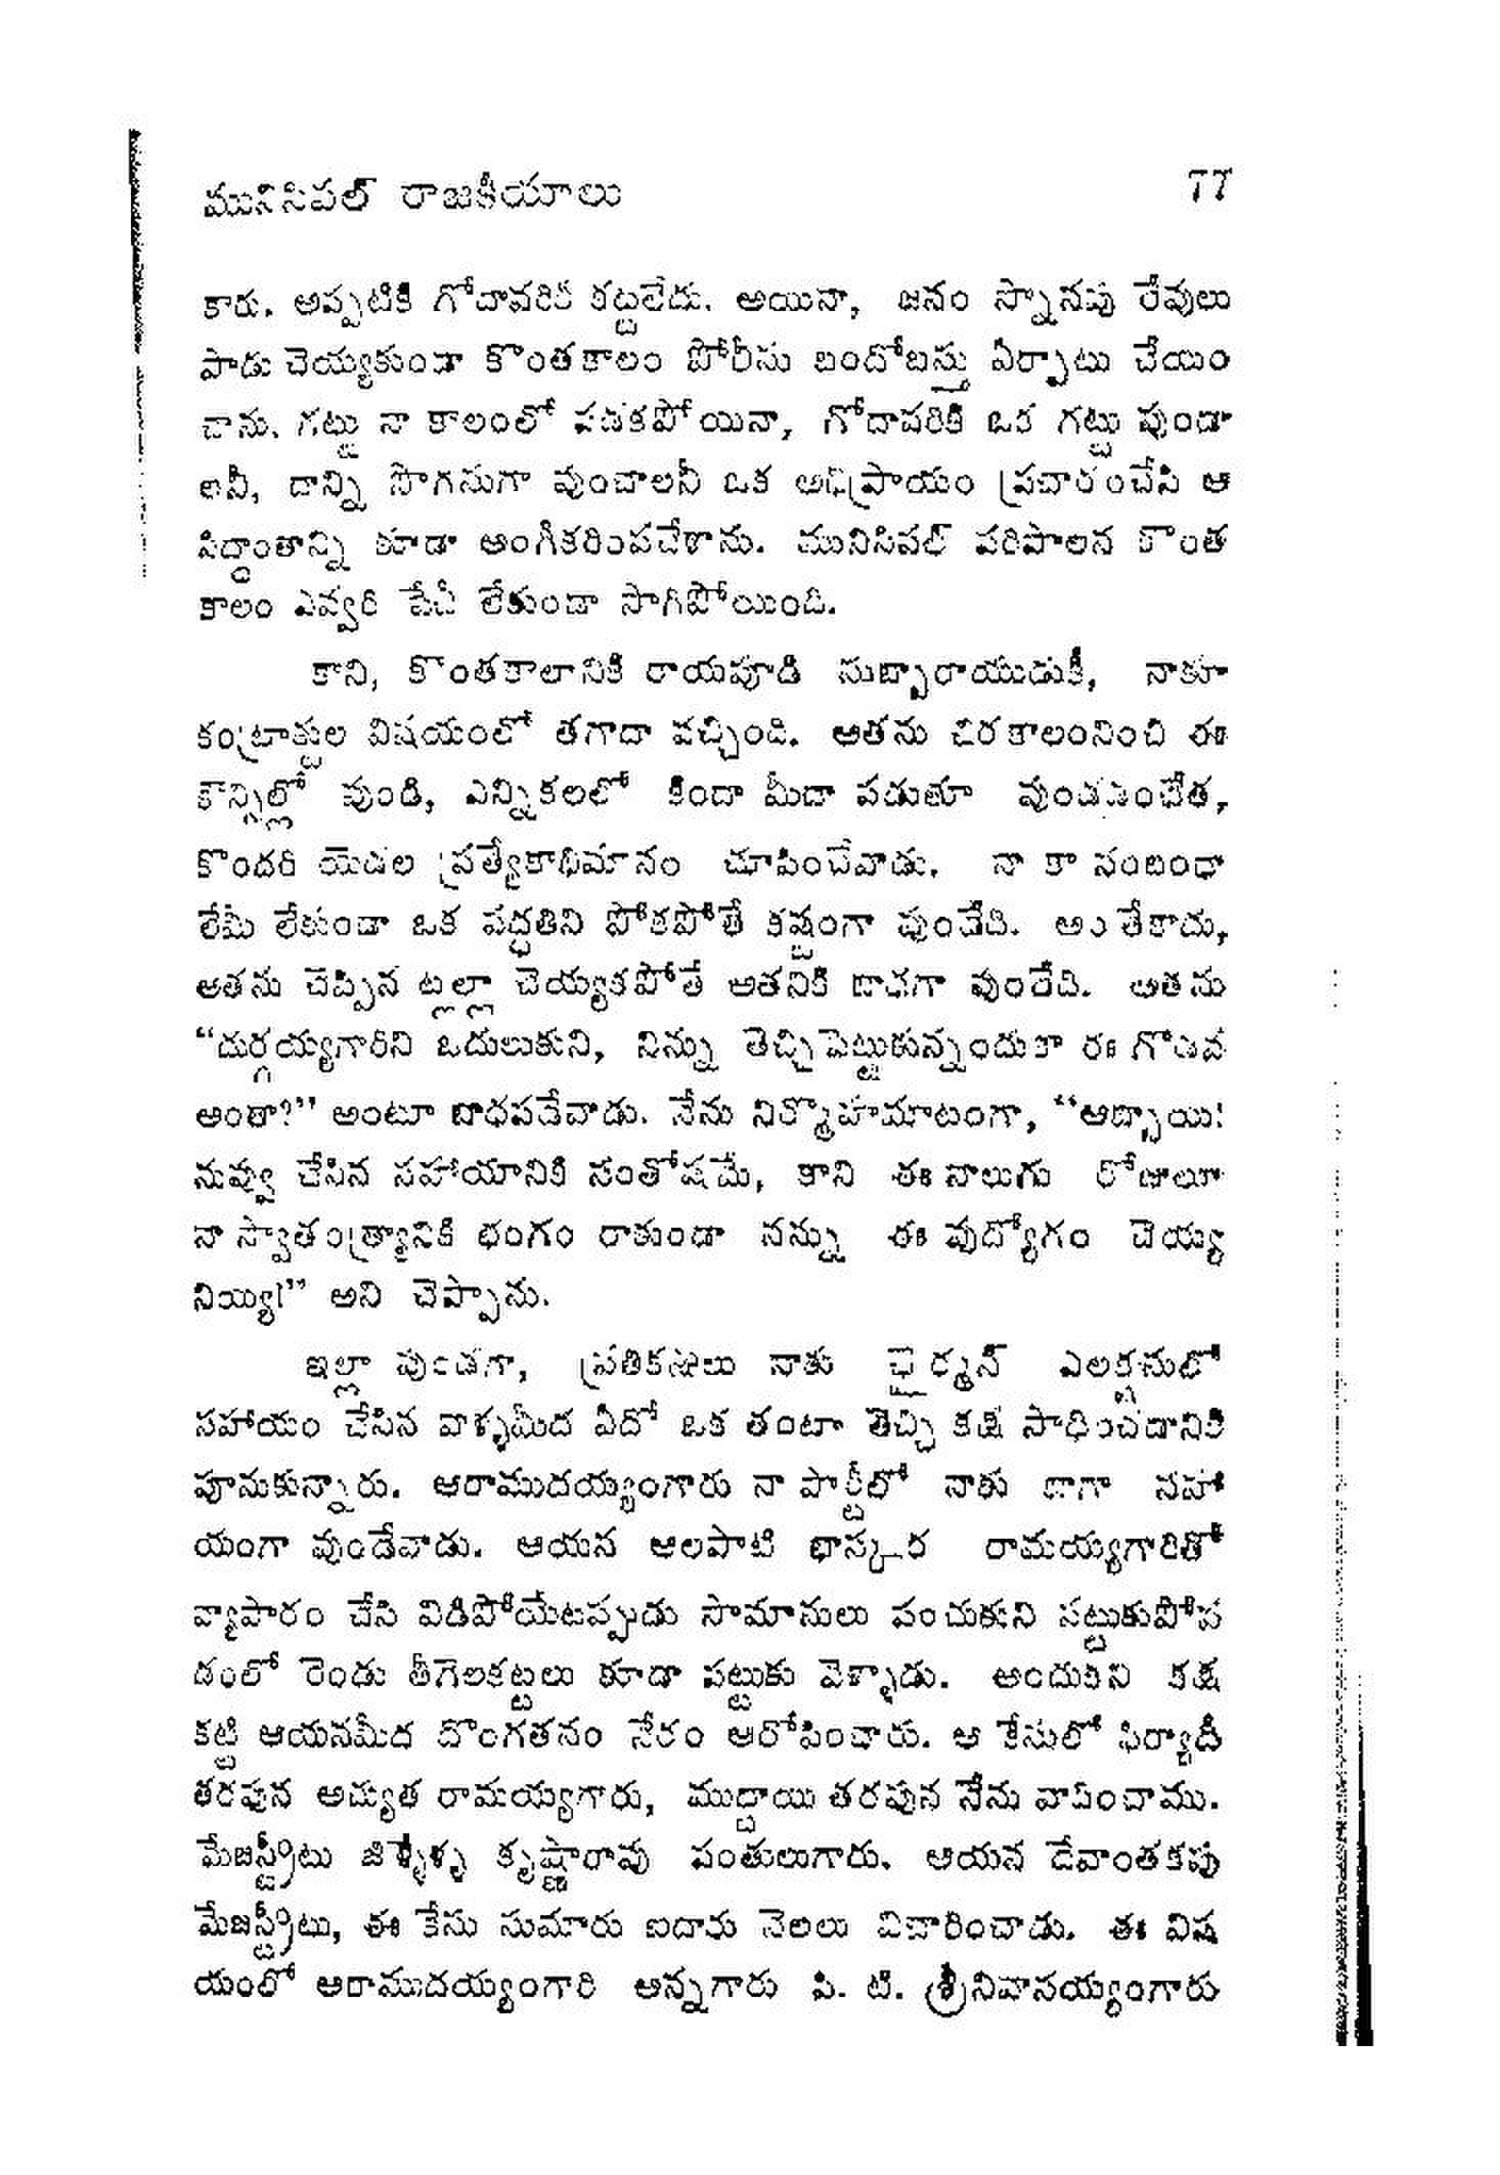కారు. అప్పటికి గోదావరికి కట్టలేదు. అయినా, జనం స్నానపు రేవులు పాడు చెయ్యకుండా కొంతకాలం పోలీసు బందోబస్తు ఏర్పాటు చేయించాను. గట్టు నా కాలంలో పడకపోయినా, గోదావరికి ఒక గట్టు వుండాలనీ, దాన్ని సొగసుగా వుంచాలనీ ఒక అభిప్రాయం ప్రచారంచేసి ఆ సిద్ధాంతాన్ని కూడా అంగీకరింపచేశాను. మునిసిపల్ పరిపాలన కొంతకాలం ఎవ్వరి పేచీ లేకుండా సాగిపోయింది.

కాని, కొంతకాలానికి రాయపూడి సుబ్బారాయుడుకీ, నాకూ కంట్రాక్టుల విషయంలో తగాదా వచ్చింది. అతను చిరకాలంనించి ఈ కౌన్సిల్లో వుండి, ఎన్నికలలో కిందా మీదా పడుతూ వుండడంచేత, కొందరి యెడల ప్రత్యేకాభిమానం చూపించేవాడు. నా కా సంబంధాలేమీ లేకుండా ఒక పద్ధతిని పోకపోతే కష్టంగా వుండేది. అంతేకాదు, అతను చెప్పినట్లల్లా చెయ్యకపోతే అతనికి బాధగా వుండేది. అతను "దుర్గయ్యగారిని ఒదులుకుని, నిన్ను తెచ్చిపెట్టుకున్నందుకా ఈ గొడవ అంతా?" అంటూ బాధపడేవాడు. నేను నిర్మొహమాటంగా, "అబ్బాయి! నువ్వు చేసిన సహాయానికి సంతోషమే, కాని ఈ నాలుగు రోజులూ నా స్వాతంత్ర్యానికి భంగం రాకుండా నన్ను ఈ వుద్యోగం చెయ్యనియ్యి!" అని చెప్పాను.

ఇల్లా వుండగా, ప్రతికక్షులు నాకు ఛైర్మన్ ఎలక్షనులో సహాయం చేసిన వాళ్ళమీద ఏదో ఒక తంటా తెచ్చి కక్ష సాధించడానికి పూనుకున్నారు. ఆరాముదయ్యంగారు నా పార్టీలో నాకు బాగా సహాయంగా వుండేవాడు. ఆయన ఆలపాటి భాస్కర రామయ్యగారితో వ్యాపారం చేసి విడిపోయేటప్పుడు సామానులు పంచుకుని పట్టుకుపోవడంలో రెండు తీగెలకట్టలు కూడా పట్టుకు వెళ్ళాడు. అందుకని కక్షకట్టి ఆయనమీద దొంగతనం నేరం ఆరోపించారు. ఆ కేసులో ఫిర్యాదీ తరపున అచ్యుత రామయ్యగారు, ముద్దాయి తరపున నేను వాదించాము. మేజస్ట్రీటు జిళ్ళేళ్ళ కృష్ణారావు పంతులుగారు. ఆయన దేవాంతకపు మేజస్ట్రీటు, ఈ కేసు సుమారు ఐదారు నెలలు విచారించాడు. ఈ విషయంలో ఆరాముదయ్యంగారి అన్నగారు పి. టి. శ్రీనివాసయ్యంగారు